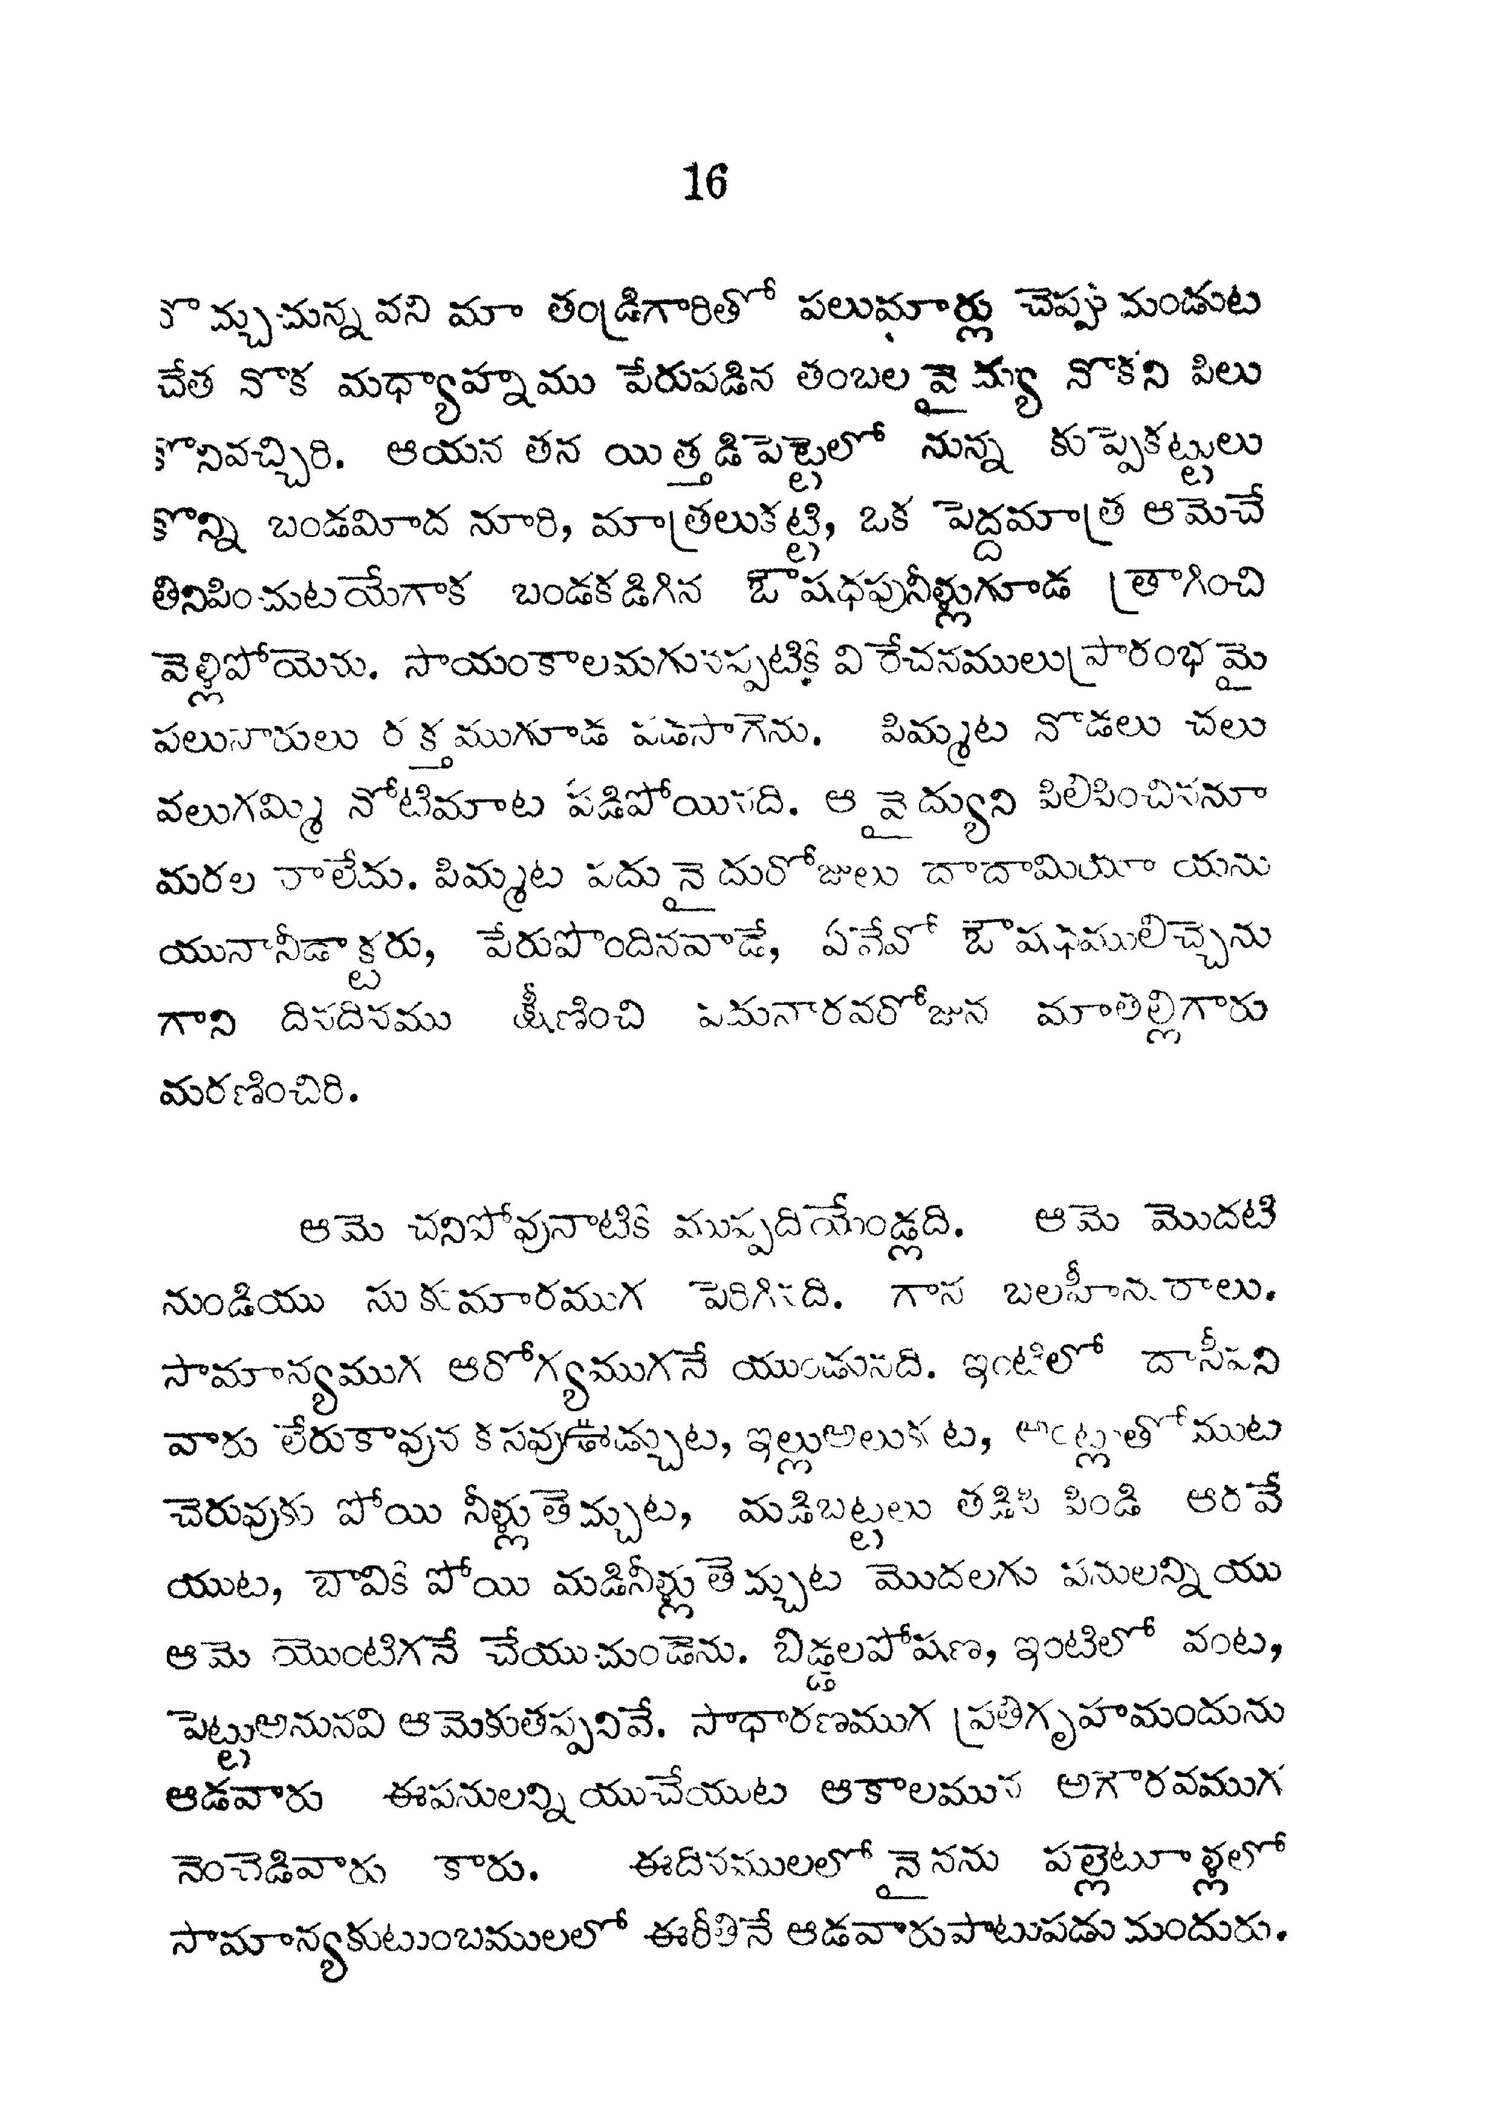నొచ్చుచున్నవని మా తండ్రిగారితో పలుమార్లు చెప్పుచుండుటచేత నొక మధ్యాహ్నము పేరుపడిన తంబలవైద్యు నొకని పిలుకొనివచ్చిరి. ఆయన తన యిత్తడిపెట్టెలో నున్న కుప్పెకట్టులు కొన్ని బండమీద నూరి, మాత్రలుకట్టి, ఒక పెద్దమాత్ర ఆమెచే తినిపించుటయేగాక బండకడిగిన ఔషధపునీళ్లుగూడ త్రాగించి వెళ్లిపోయెను. సాయంకాలమగునప్పటికి విరేచనములు ప్రారంభమై పలుసారులు రక్తముగూడ పడసాగెను. పిమ్మట నొడలు చలువలుగమ్మి నోటిమాట పడిపోయినది. ఆ వైద్యుని పిలిపించిననూ మరల రాలేదు. పిమ్మట పదునైదురోజులు దాదామియా యను యునానీడాక్టరు, పేరుపొందినవాడే, ఏవేవో ఔషధములిచ్చెను గాని దినదినము క్షీణించి పదునారవరోజున మాతల్లిగారు మరణించిరి.

ఆమె చనిపోవునాటికి ముప్పదియేండ్లది. ఆమె మొదటి నుండియు సుకుమారముగ పెరిగినది. గాన బలహీనురాలు. సామాన్యముగ ఆరోగ్యముగనే యుండునది. ఇంటిలో దాసీపని వారు లేరుకావున కసవుఊడ్చుట, ఇల్లుఅలుకుట, అంట్లుతోముట చెరువుకు పోయి నీళ్లుతెచ్చుట, మడిబట్టలు తడిపి పిండి ఆరవేయుట, బావికి పోయి మడినీళ్లుతెచ్చుట మొదలగు పనులన్నియు ఆమె యొంటిగనే చేయుచుండెను. బిడ్డలపోషణ, ఇంటిలో వంట, పెట్టు అనునవి ఆమెకుతప్పనివే. సాధారణముగ ప్రతిగృహమందును ఆడవారు ఈ పనులన్నియుచేయుట ఆకాలమున అగౌరవముగ నెంచెడివారు కారు. ఈదినములలోనైనను పల్లెటూళ్లలో సామాన్యకుటుంబములలో ఈరీతినే ఆడవారుపాటుపడుచుందురు.